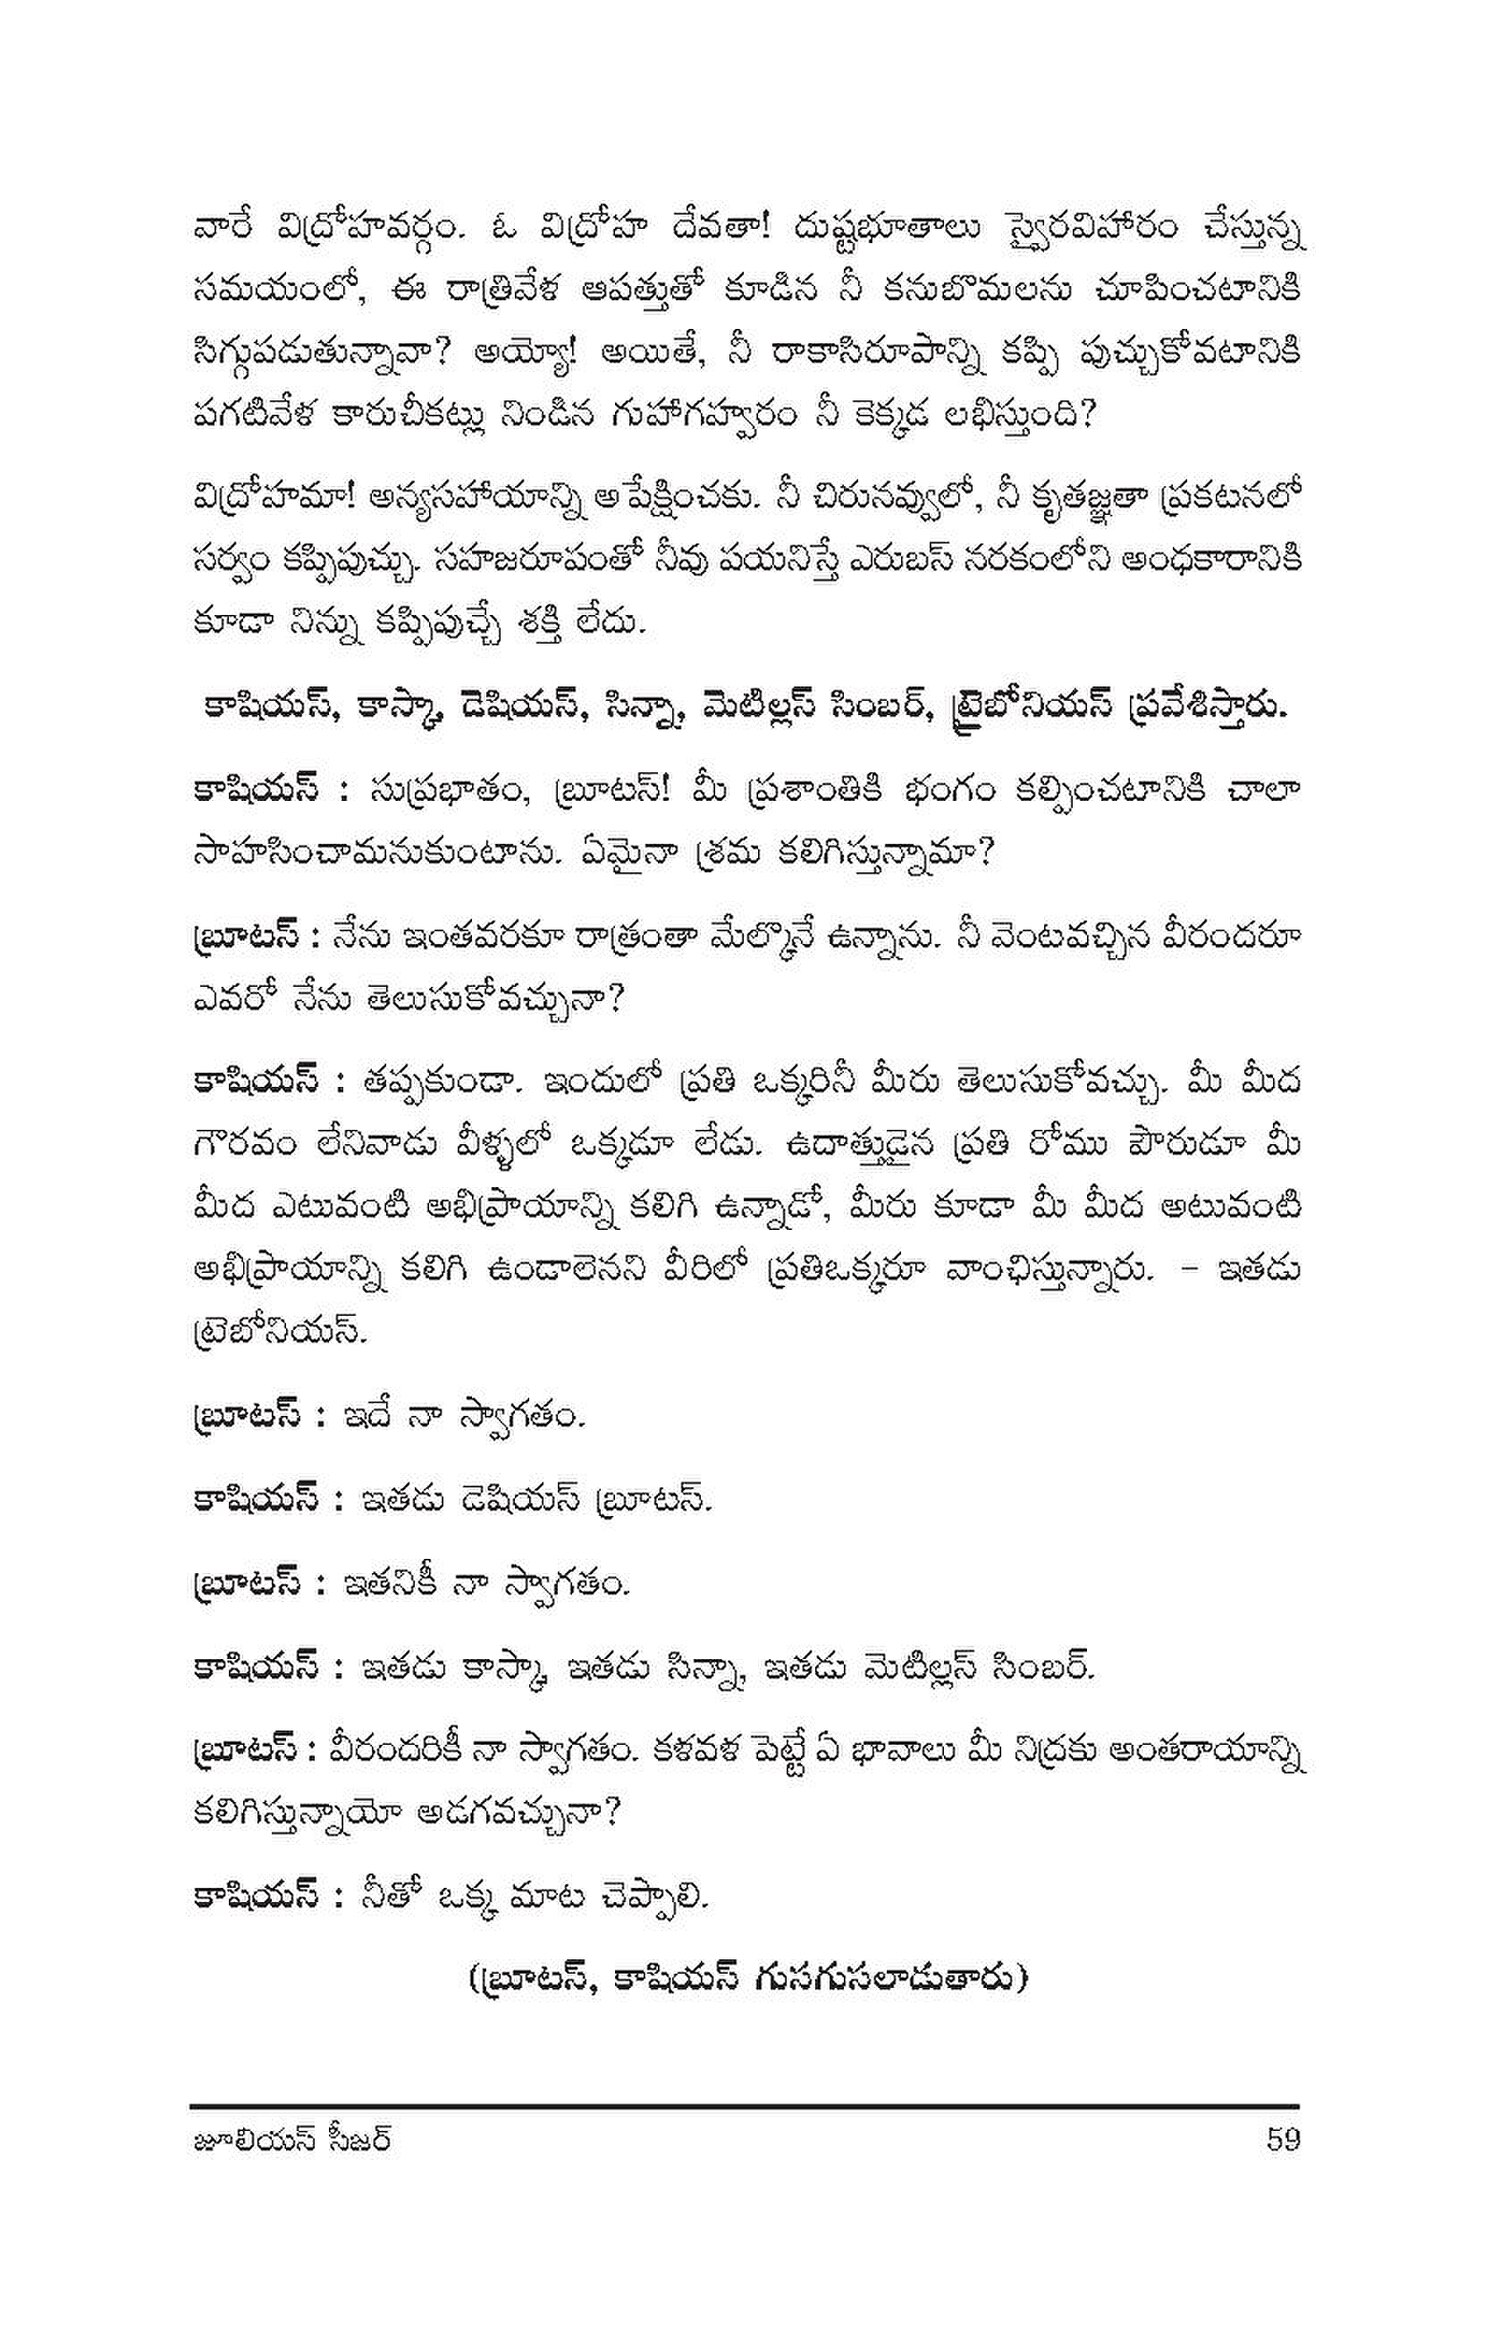వారే విద్రోహవర్గం. ఓ విద్రోహ దేవతా! దుష్టభూతాలు స్వైరవిహారం చేస్తున్న సమయంలో, ఈ రాత్రివేళ ఆపత్తుతో కూడిన నీ కనుబొమలను చూపించటానికి సిగ్గుపడుతున్నావా? అయ్యో! అయితే, నీ రాకాసిరూపాన్ని కప్పి పుచ్చుకోవటానికి
పగటివేళ కారుచీకట్లు నిండిన గుహాగహ్వరం నీ కెక్కడ లభిస్తుంది?

విద్రోహమా! అన్యసహాయాన్ని అపేక్షించకు. నీ చిరునవ్వులో, నీ కృతజ్ఞతా ప్రకటనలో సర్వం కప్పిపుచ్చు. సహజరూపంతో నీవు పయనిస్తే ఎరుబస్ నరకంలోని అంధకారానికి కూడా నిన్ను కప్పిపుచ్చే శక్తి లేదు.

కాషియస్ : సుప్రభాతం, బ్రూటస్! మీ ప్రశాంతికి భంగం కల్పించటానికి చాలా సాహసించామనుకుంటాను. ఏమైనా శ్రమ కలిగిస్తున్నామా?

బ్రూటస్ : నేను ఇంతవరకూ రాత్రంతా మేల్కొనే ఉన్నాను. నీ వెంటవచ్చిన వీరందరూ ఎవరో నేను తెలుసు కోవచ్చునా?

కాషియస్ : తప్పకుండా. ఇందులో ప్రతి ఒక్కరినీ మీరు తెలుసుకోవచ్చు. మీ మీద గౌరవం లేనివాడు వీళ్ళలో ఒక్కడూ లేడు. ఉదాత్తుడైన ప్రతి రోము పౌరుడూ మీ మీద ఎటువంటి అభిప్రాయాన్ని కలిగి ఉన్నాడో, మీరు కూడా మీ మీద అటువంటి అభిప్రాయాన్ని కలిగి ఉండాలెనని వీరిలో ప్రతిఒక్కరూ వాంఛిస్తున్నారు. -ఇతడు ట్రెబోనియస్.

బ్రూటస్ : ఇదే నా స్వాగతం.

కాషియస్ : ఇతడు డెషియస్ బ్రూటస్.

బ్రూటస్ : ఇతనికీ నా స్వాగతం.

కాషియస్ : ఇతడు కాస్కా, ఇతడు సిన్నా, ఇతడు మెటిల్లస్ సింబర్.

బ్రూటస్ : వీరందరికీ నా స్వాగతం. కళవళ పెట్టే ఏ భావాలు మీ నిద్రకు అంతరాయాన్ని కలిగిస్తున్నాయో అడగవచ్చునా?

కాషియస్ : నీతో ఒక్క మాట చెప్పాలి.